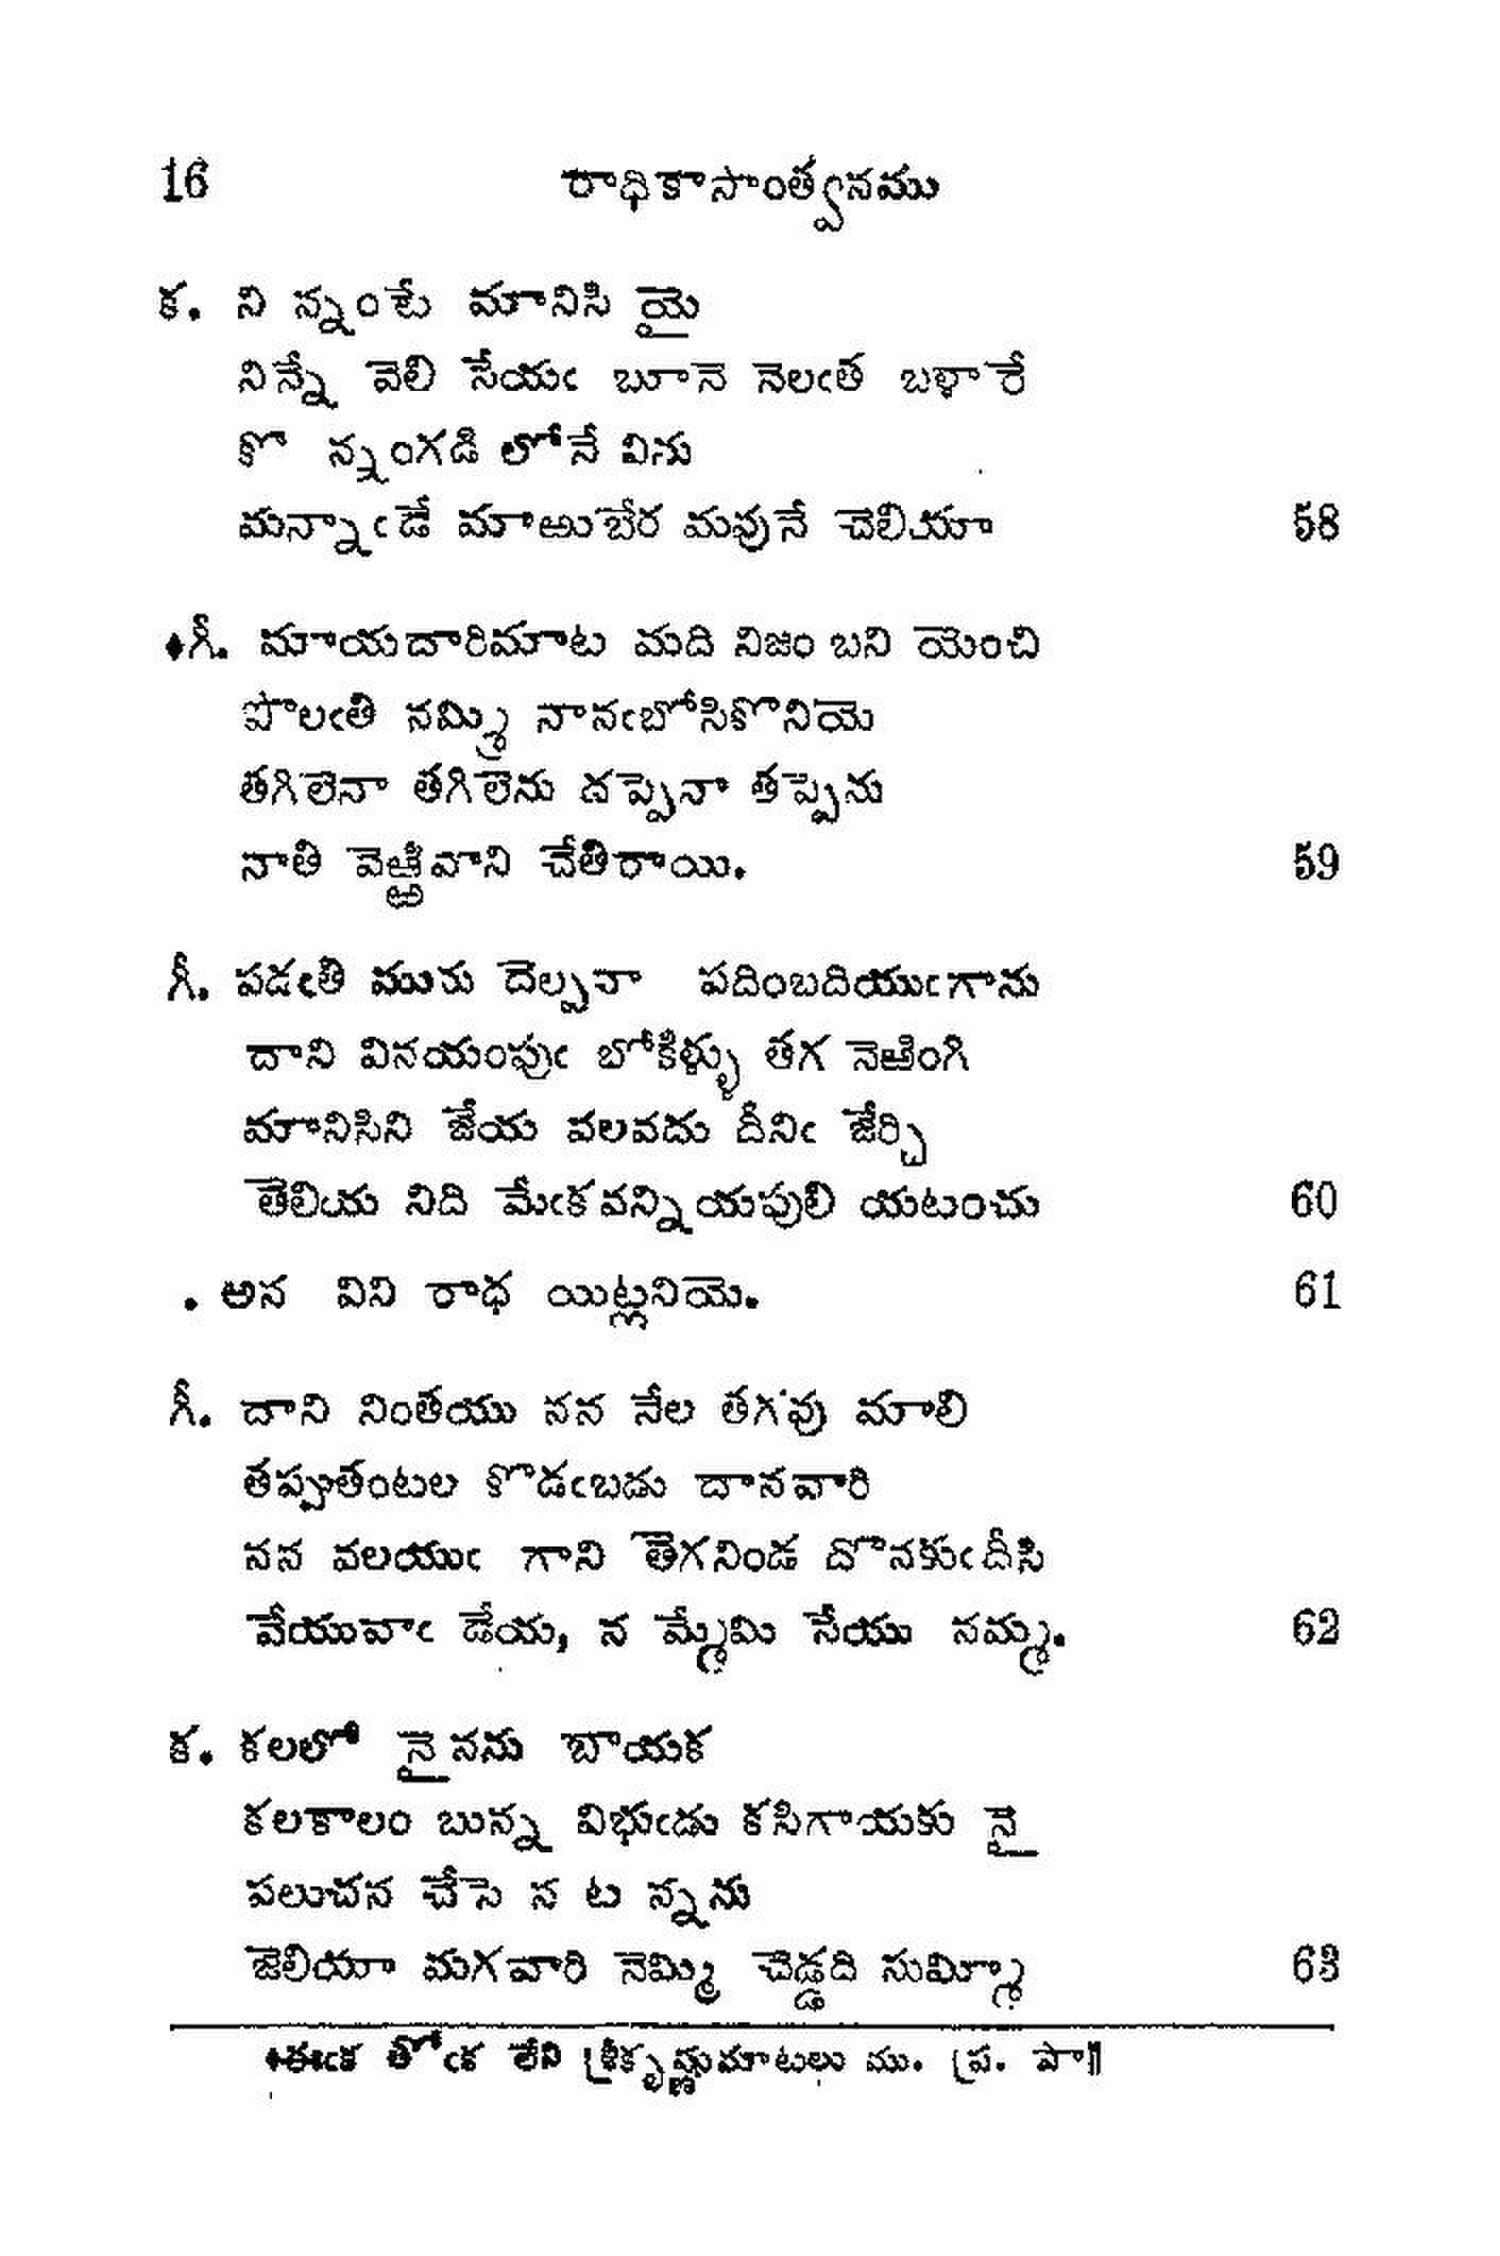క. ని న్నంటే మానిసి యై
నిన్నే వెలి సేయఁబూనె నెలఁత బళారే
కొ న్నంగడిలోనే విను
మన్నాఁడే మాఱుబేర మవునే చెలియా. 58

గీ. మాయదారిమాట మది నిజం బని యెంచి
పొలఁతి నమ్మి నానఁబోసికొనియె
తగిలేనా తగిలెను దప్పెనా తప్పెను
నాతి వెఱ్ఱివాని చేతిరాయి. 59

గీ. పడఁతి మును దెల్పనా పదంబదియుఁ గాను
దాని వినయంపుఁ బోకిళ్ళు తగ నెఱింగి
మానిసిని జేయ వలవదు దీనిఁ జేర్చి
తెలియ నిది మేఁకవన్నియపులి యటంచు. 60

వ. అన విని రాధ యిట్లనియె. 61

గీ. దాని నింతయు నన నేల తగవు మాలి
తప్పుతంటల కొడఁబడు దానవారి
ననవలయుఁ గాని తెగనిండ దొనకుఁ దీసి
వేయువాఁ డేయ న మ్మేమి సేయు నమ్మ. 62

క. కలలో నైనను బాయక
కలకాలం బున్న విభుఁడు కసిగాయకు నై
పలుచన చేసె నఁటన్నను
జెలియా మగవారి నెమ్మి చెడ్డది సుమ్మీ. 63